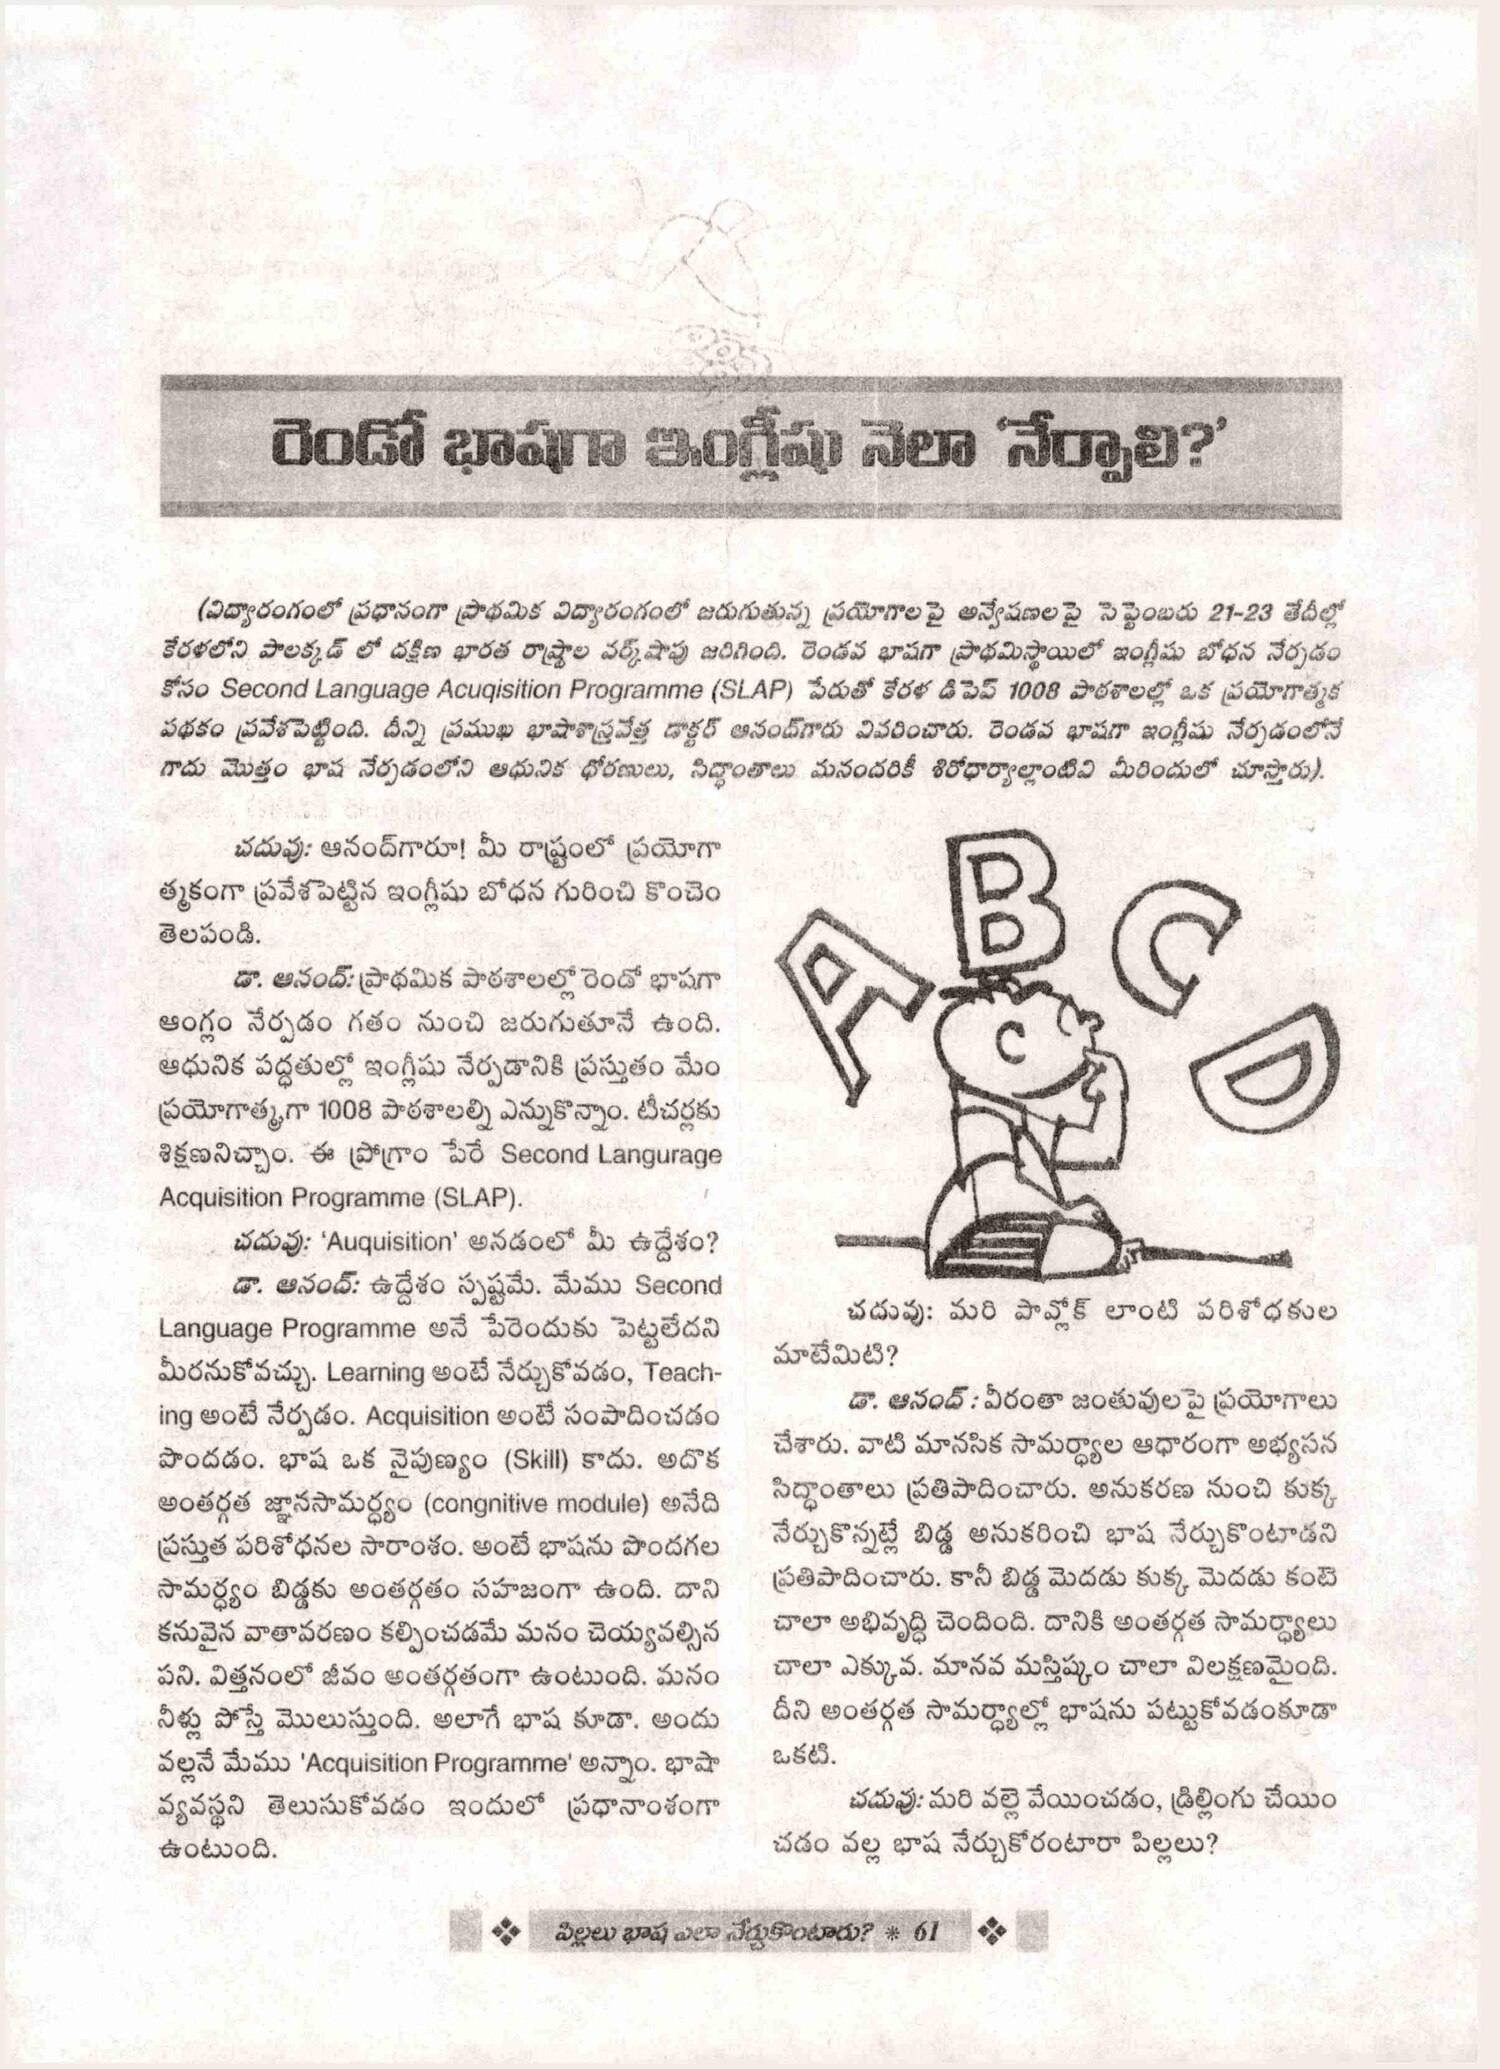రెండో భాషగా ఇంగ్లీషు నెలా 'నేర్పాలి?

(విద్యారంగంలో ప్రధానంగా ప్రాథమిక విద్యారంగంలో జరుగుతున్న ప్రయోగాలపై అన్వేషణలపై సెప్టెంబరు 21-23 తేదీల్లో కేరళలోని పాలక్కడ్ లో దక్షిణ భారత రాష్ట్రాల వర్క్‌షాపు జరిగింది. రెండవ భాషగా ప్రాథమిస్థాయిలో ఇంగ్లీషు బోధన నేర్పడం కోసం Second Language Acuqisition Programme (SLAP) పేరుతో కేరళ డిపెప్ 1008 పాఠశాలల్లో ఒక ప్రయోగాత్మక పథకం ప్రవేశపెట్టింది. దీన్ని ప్రముఖ భాషాశాస్త్రవేత్త డాక్టర్ ఆనంద్‌గారు వివరించారు. రెండవ భాషగా ఇంగ్లీషు నేర్పడంలోనే గాదు మొత్తం భాష నేర్పడంలోని ఆధునిక ధోరణులు, సిద్ధాంతాలు మనందరికీ శిరోధార్యాల్లాంటివి మీరిందులో చూస్తారు).

చదువు: ఆనంద్‌గారూ! మీ రాష్ట్రంలో ప్రయోగాత్మకంగా ప్రవేశపెట్టిన ఇంగ్లీషు బోధన గురించి కొంచెం తెలపండి.

డా. ఆనంద్: ప్రాథమిక పాఠశాలల్లో రెండో భాషగా ఆంగ్లం నేర్పడం గతం నుంచి జరుగుతూనే ఉంది. ఆధునిక పద్ధతుల్లో ఇంగ్లీషు నేర్పడానికి ప్రస్తుతం మేం ప్రయోగాత్మ,గా 1008 పాఠశాలల్ని ఎన్నుకొన్నాం. టీచర్లకు శిక్షణనిచ్చాం. ఈ ప్రోగ్రాం పేరే Second Langurage Acquisition Programme (SLAP).

చదువు: 'Auquisition' అనడంలో మీ ఉద్దేశం?

డా. ఆనంద్: ఉద్దేశం స్పష్టమే. మేము Second Language Programme అనే పేరెందుకు పెట్టలేదని
మీరనుకోవచ్చు. Learning అంటే నేర్చుకోవడం, Teaching అంటే నేర్పడం. Acquisition అంటే సంపాదించడం
పొందడం. భాష ఒక నైపుణ్యం (Skill) కాదు. అదొక అంతర్గత జ్ఞానసామర్ధ్యం (congnitive module) అనేది ప్రస్తుత పరిశోధనల సారాంశం. అంటే భాషను పొందగల సామర్ధ్యం బిడ్డకు అంతర్గతం సహజంగా ఉంది. దాని
కనువైన వాతావరణం కల్పించడమే మనం చెయ్యవల్సిన పని. విత్తనంలో జీవం అంతర్గతంగా ఉంటుంది. మనం
నీళ్లు పోస్తే మొలుస్తుంది. అలాగే భాష కూడా. అందు వల్లనే మేము 'Acquisition Programme' అన్నాం. భాషా
వ్యవస్థని తెలుసుకోవడం ఇందులో ప్రధానాంశంగా ఉంటుంది.

చదువు: మరి పావ్లోక్ లాంటి పరిశోధకుల మాటేమిటి?

డా. ఆనంద్ : వీరంతా జంతువులపై ప్రయోగాలు చేశారు. వాటి మానసిక సామర్ధ్యాల ఆధారంగా అభ్యసన
సిద్ధాంతాలు ప్రతిపాదించారు. అనుకరణ నుంచి కుక్క నేర్చుకొన్నట్లే బిడ్డ అనుకరించి భాష నేర్చుకొంటాడని
ప్రతిపాదించారు. కానీ బిడ్డ మెదడు కుక్క మెదడు కంటె చాలా అభివృద్ధి చెందింది. దానికి అంతర్గత సామర్ధ్యాలు
చాలా ఎక్కువ. మానవ మస్తిష్కం చాలా విలక్షణమైంది. దీని అంతర్గత సామర్థ్యాల్లో భాషను పట్టుకోవడంకూడా
ఒకటి.

చదువు: మరి వల్లె వేయించడం, డ్రిల్లింగు చేయించడం వల్ల భాష నేర్చుకోరంటారా పిల్లలు?